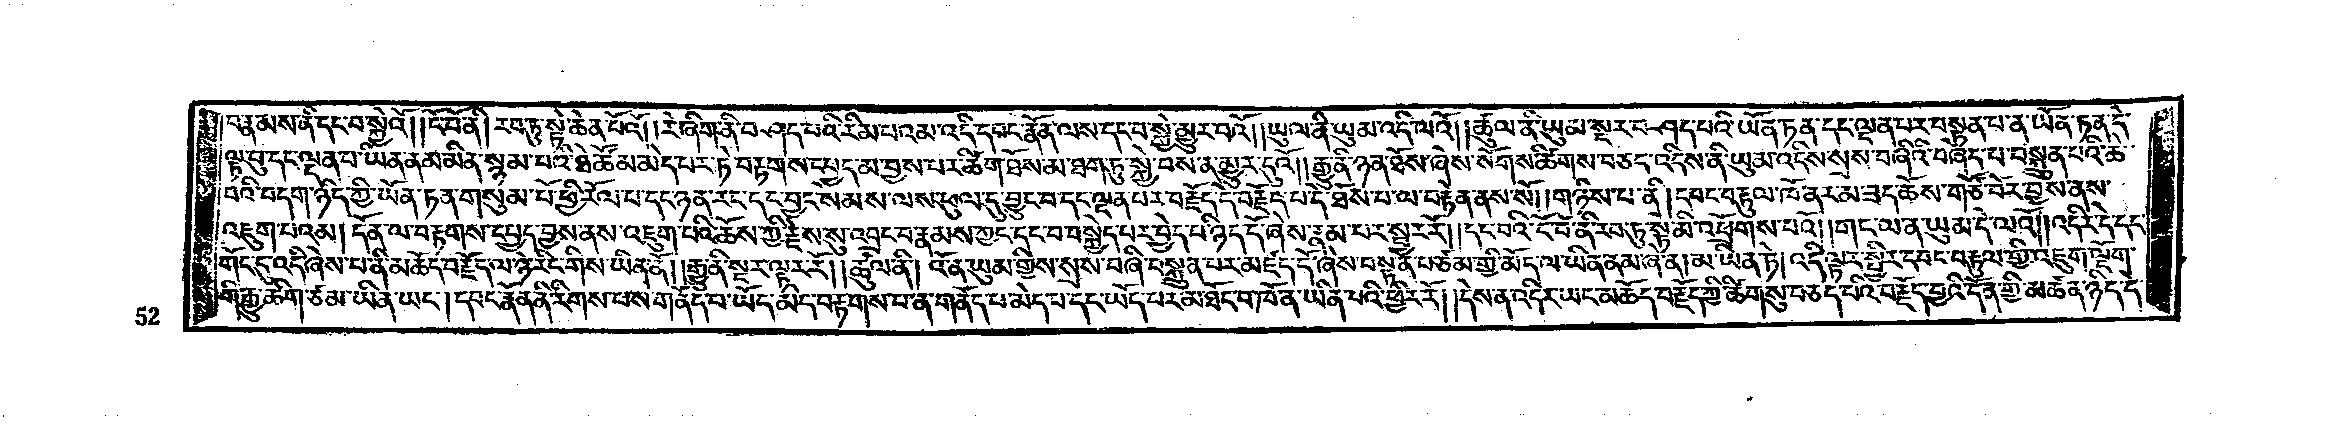བ་རྣམས་ནི་དང་བ་སྐྱེའོ། །ངོ་བོ་ནི། རབ་ཏུ་སྟེ་ཆེན་པོའོ། །རེ་ཞིག་ནི་བཤད་པའི་རིམ་པའམ་འདི་དབང་རྣོན་ལས་དང་བ་སྐྱེ་མྱུར་བའོ། །ཡུལ་ནི་ཡུམ་འདི་ལའོ། །ཚུལ་ནི་ཡུམ་སྔར་བཤད་པའི་ཡོན་ཏན་དང་ལྡན་པར་བསྟན་པ་ན་ཡོན་ཏན་དེ་
ལྟ་བུ་དང་ལྡན་པ་ཡིན་ནམ་མིན་སྙམ་པའི་ཐེ་ཚོམ་མེད་པར་ཏེ་བརྟགས་དཔྱད་མ་བྱས་པར་ཚིག་ཐོས་མ་ཐག་ཏུ་སྐྱེ་བས་ན་མྱུར་དུའོ། །རྒྱུ་ནི་ཉན་ཐོས་ཞེས་སོགས་ཚིགས་བཅད་འདིས་ནི་ཡུམ་འདིས་སྲས་བཞིའི་བཞེད་པ་བསྐྲུན་པའི་ཆེ་
བའི་བདག་ཉིད་ཀྱི་ཡོན་ཏན་གསུམ་པོ་ཕྱི་རོལ་པ་དང་ཉན་རང་དང་བྱང་སེམས་ལས་ཕུལ་དུ་བྱུང་བ་དང་ལྡན་པར་བརྗོད་དེ་བརྗོད་པ་དེ་ཐོས་པ་ལ་བརྟེན་ནས་སོ། །གཉིས་པ་ནི། དབང་བརྟུན་ཁོ་ནར་མ་ཟད་ཆོས་གཙོ་བོར་བྱས་ནས་
འཇུག་པའམ། དོན་ལ་བརྟགས་དཔྱད་བྱས་ནས་འཇུག་པའི་ཆོས་ཀྱི་རྗེས་སུ་འབྲང་བ་རྣམས་ཀྱང་དང་བ་བསྐྱེད་པར་བྱེད་པ་ཉིད་དོ་ཞེས་རྣམ་པར་སྦྱར་རོ། །དང་བའི་ངོ་བོ་ནི་རབ་ཏུ་སྟེ་མི་འཕྲོགས་པའོ། །གང་ལ་ན་ཡུམ་དེ་ལའོ། །འདིར་དེ་དང་
གོང་དུ་འདི་ཞེས་པ་ནི་མཆོད་བརྗོད་ལ་ཉེ་རིང་གིས་ཡིན་ནོ། །རྒྱུ་ནི་སྔར་ལྟར་རོ། །ཚུལ་ནི། འོ་ན་ཡུམ་གྱིས་སྲས་བཞི་བསྐྲུན་པར་མཛད་དོ་ཞེས་བསྟན་པ་ཙམ་གྱི་མོད་ལ་ཡིན་ནམ་ཞེ་ན། མ་ཡིན་ཏེ། འདི་ལྟར་སྤྱིར་དབང་བརྟུལ་གྱི་འཇུག་ལྡོག་
གི་རྒྱུ་ཚིག་ཙམ་ཡིན་ཡང་། དབང་རྣོན་ནི་རིགས་པས་གནོད་པ་ཡོད་མེད་བརྟགས་པ་ན་གནོད་པ་མེད་པ་དང་ཡོད་པར་མཐོང་བ་ཁོ་ན་ཡིན་པའི་ཕྱིར་རོ། །དེས་ན་འདིར་ཡང་མཆོད་བརྗོད་ཀྱི་ཚིགས་སུ་བཅད་པའི་བརྗོད་བྱའི་དོན་གྱི་མཚན་ཉིད་དེ་